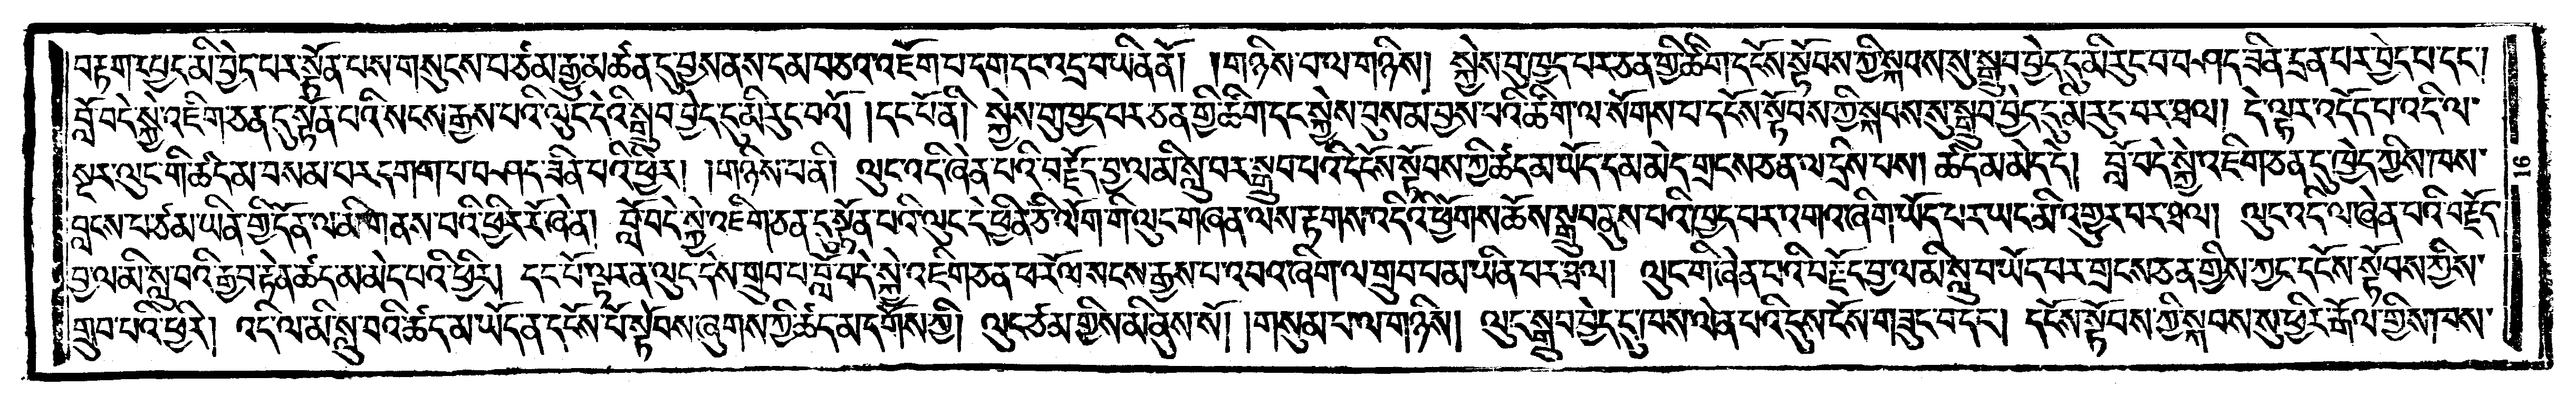བརྟག་དཔྱད་མི་བྱེད་པར་སྟོན་པས་གསུངས་པ་ཙམ་རྒྱུ་མཚན་དུ་བྱས་ནས་དམ་བཅའ་འཇོག་པ་དག་དང་འདྲ་བ་ཡིན་ནོ། །གཉིས་པ་ལ་གཉིས། སྐྱེས་བུ་ཁྱད་པར་ཅན་གྱི་ཚིག་དངོས་སྟོབས་ཀྱི་སྐབས་སུ་སྒྲུབ་བྱེད་དུ་མི་རུང་བ་བཤད་ཟིན་དྲན་པར་བྱེད་པ་དང་།
བློ་བདེ་སྐྱེ་འཇིག་ཅན་དུ་སྟོན་པའི་སངས་རྒྱས་པའི་ལྕང་དེའི་སྒྲུབ་བྱེད་དུ་མི་རུང་བའོ། །དང་པོ་ནི། སྐྱེས་བུ་ཁྱད་པར་ཅན་གྱི་ཚིག་དང་སྐྱེས་བུས་མ་བྱས་པའི་ཚིག་ལ་སོགས་པ་དངོས་སྟོབས་ཀྱི་སྐབས་སུ་སྒྲུབ་བྱེད་དུ་མི་རུང་བར་ཐལ། དེ་ལྟར་འདོད་པ་འདི་ལ་
སྔར་ལུང་གི་ཚད་མ་བསམ་པར་དགག་པ་བཤད་ཟིན་པའི་ཕྱིར། །གཉིས་པ་ནི། ལུང་འདི་ཞེན་པའི་བརྗོད་བྱ་ལ་མི་སླུ་བར་སྒྲུབ་པའི་དངོས་སྟོབས་ཀྱི་ཚད་མ་ཡོད་དམ་མེད་གྲངས་ཅན་ལ་དྲིས་པས། ཚད་མ་མེད་དེ། བློ་བདེ་སྐྱེ་འཇིག་ཅན་དུ་ཁྱེད་ཀྱིས་ཁས་
བླངས་པ་ཙམ་ཡིན་གྱི་དོན་ལ་མི་གནས་པའི་ཕྱིར་རོ་ཞེ་ན། བློ་བདེ་སྐྱེ་འཇིག་ཅན་དུ་སྟོན་པའི་ལུང་དེ་ཕྱིན་ཅི་ལོག་གི་ལུང་གཞན་ལས་རྟགས་འདིའི་ཕྱོགས་ཆོས་སྒྲུབ་ནུས་པའི་ཁྱད་པར་འགའ་ཞིག་ཡོད་པར་ཡང་མི་འགྱུར་བར་ཐལ། ལུང་འདི་ལ་ཞེན་པའི་བརྗོད་
བྱ་ལ་མི་སླུ་བའི་རྒྱབ་རྟེན་ཚད་མ་མེད་པའི་ཕྱིར། དང་པོ་ལྟར་ན་ལུང་དེས་གྲུབ་པ་བློ་བདེ་སྐྱེ་འཇིག་ཅན་ཕ་རོལ་སངས་རྒྱས་པ་འབའ་ཞིག་ལ་གྲུབ་པ་མ་ཡིན་པར་ཐལ། ལུང་གི་ཞེན་པའི་བརྗོད་བྱ་ལ་མི་སླུ་བ་ཡོད་པར་གྲངས་ཅན་གྱིས་ཀྱང་དངོས་སྟོབས་ཀྱིས་
གྲུབ་པའི་ཕྱིར། འདི་ལ་མི་སླུ་བའི་ཚད་མ་ཡོད་ན་དངོས་པོ་སྟོབས་ཞུགས་ཀྱི་ཚད་མ་དགོས་ཀྱི། ལུང་ཙམ་གྱིས་མི་ནུས་སོ། །གསུམ་པ་ལ་གཉིས། ལུང་སྒྲུབ་བྱེད་དུ་ཁས་ལེན་པའི་དུས་ངོས་གཟུང་བ་དང་། དངོས་སྟོབས་ཀྱི་སྐབས་སུ་ཕྱིར་རྒོལ་གྱིས་ཁས་